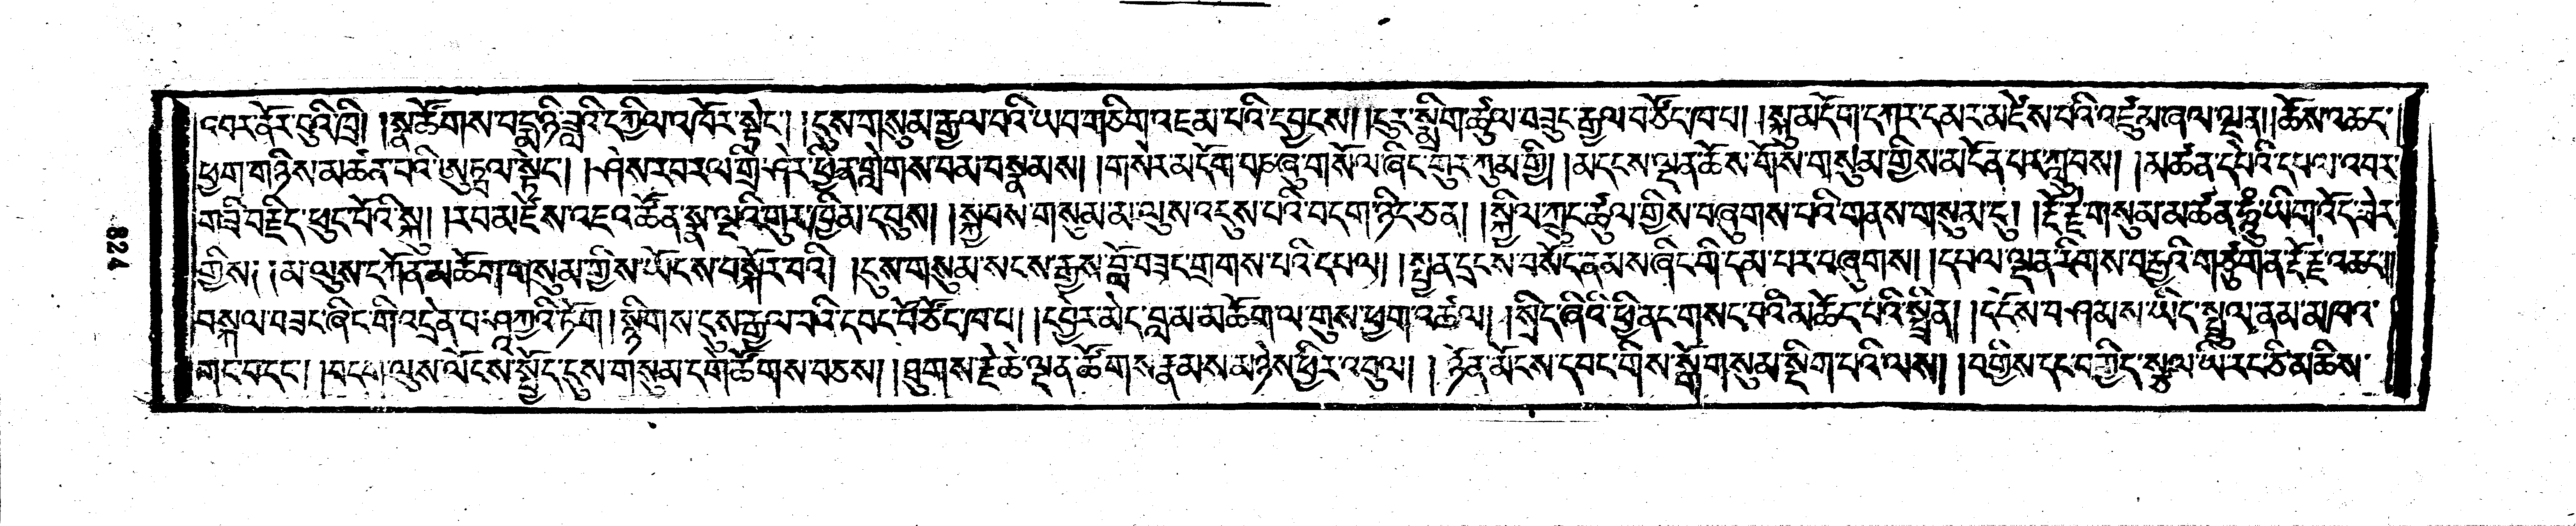འབར་ནོར་བུའི་ཁྲི། །སྣ་ཚོགས་པདམ་ཉི་ཟླའི་དཀྱིལ་འཁོར་སྟེང་། །དུས་གསུམ་རྒྱལ་བའི་ཡབ་གཅིག་འཇམ་པའི་དབྱངས། །ངུར་སྨྲིག་ཚུལ་བཟུང་རྒྱལ་བ་ཙོང་ཁ་པ། །སྐུ་མདོག་དཀར་དམར་མཛེས་པའི་འཛུམ་ཞལ་ལྡན། །ཆོས་འཆད་
ཕྱག་གཉིས་མཚན་པའི་ཨུཏྤལ་སྟེང་། །ཤེས་རབ་རལ་གྲི་ཤེར་ཕྱིན་གླེགས་བམ་བསྣམས། །གསེར་མདོག་པཎ་ཞུ་གསོལ་ཞིང་གུར་ཀུམ་གྱི། །མདངས་ལྡན་ཆོས་གོས་གསུམ་གྱིས་མངོན་པར་ཀླུབས། །མཚན་དཔེའི་དཔལ་འབར་
གཟི་བརྗིད་ཕུང་པོའི་སྐུ། །རབ་མཛེས་འཇའ་ཚོན་སྣ་ལྔའི་གུར་ཁྱིམ་དབུས། །སྐྱབས་གསུམ་མ་ལུས་འདུས་པའི་བདག་ཉིད་ཅན། །སྐྱིལ་ཀྲུང་ཚུལ་གྱིས་བཞུགས་པའི་གནས་གསུམ་དུ། །རྡོ་རྗེ་གསུམ་མཚན་ཧཱུཾ་ཡིག་འོད་ཟེར་
གྱིས༑ ༑མ་ལུས་དཀོན་མཆོག་གསུམ་གྱིས་ཡོངས་བསྐོར་བའི། །དུས་གསུམ་སངས་རྒྱས་བློ་བཟང་གྲགས་པའི་དཔལ། །སྤྱན་དྲངས་བསོད་ནམས་ཞིང་གི་དམ་པར་བཞུགས། །དཔལ་ལྡན་རིགས་བརྒྱའི་གཙུག་ན་རྡོ་རྗེ་འཆང་། །
བསྐལ་བཟང་ཞིང་གི་འདྲེན་པ་ཤཱཀྱའི་ཏོག །སྙིགས་དུས་རྒྱལ་བའི་དབང་པོ་ཙོང་ཁ་པ། །དབྱེར་མེད་བླ་མ་མཆོག་ལ་གུས་ཕྱག་འཚལ། །སྲིད་ཞིའི་ཕྱི་ནང་གསང་བའི་མཆོད་པའི་སྤྲིན། །དངོས་བཤམས་ཡིད་སྤྲུལ་ནམ་མཁའ་
གང་བ་དང་། །བདག་ལུས་ལོངས་སྤྱོད་དུས་གསུམ་དགེ་ཚོགས་བཅས། །ཐུགས་རྗེ་ཆེ་ལྡན་ཚོགས་རྣམས་མཉེས་ཕྱིར་འབུལ། །ཉོན་མོངས་དབང་གིས་སྒོ་གསུམ་སྡིག་པའི་ལས། །བགྱིས་དང་བགྱིད་སྩལ་ཡི་རང་ཅི་མཆིས་